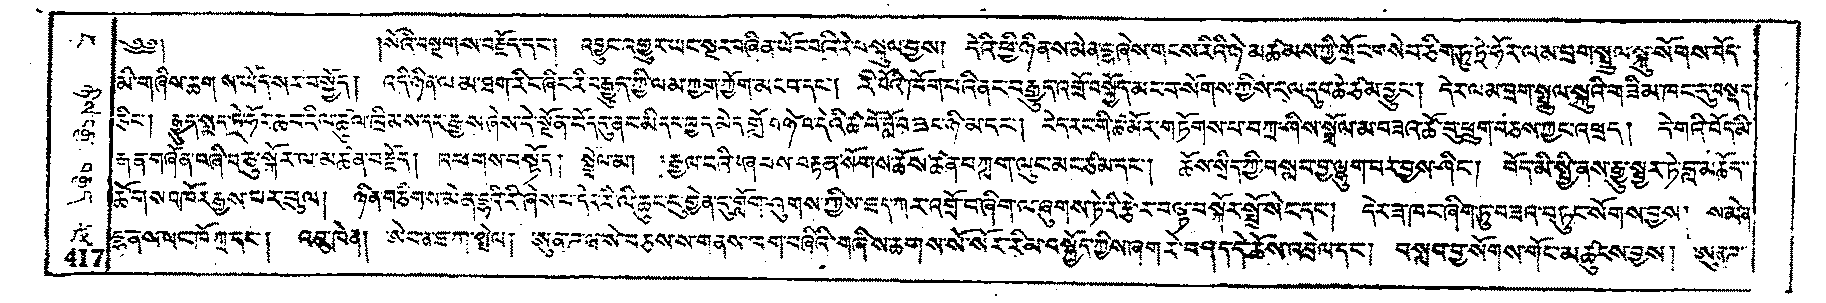༄༅། །སོའི་བསྔགས་བརྗོད་དང་། འབྱུང་འགྱུར་ཡང་སྔར་བཞིན་ཡོང་བའི་རེ་བསྐུལ་བྱས། དེའི་ཕྱི་ཉིན་ས་མེན་དྷ་ཞེས་གངས་རིའི་ཉེ་མཚམས་ཀྱི་གྲོང་གསེབ་ཅིག་ཏུ་ཏྲེ་ཧོར་ལམ་བྲག་སྤྲུལ་སྐུ་སོགས་བོད་
མི་གཞིས་ཆགས་ཡོད་སར་བསྐྱོད། འདི་ཉིན་ལམ་ཐག་རིང་ཞིང་རི་བརྒྱུད་ཀྱི་ལམ་ཀྱག་ཀྱོག་མང་བ་དང་། རི་བོའི་ཁོག་པའི་ནང་བརྒྱུད་འགྲོ་བསྐྱོད་མང་བ་སོགས་ཀྱིས་ངལ་དུབ་ཆེ་ཙམ་བྱུང་། དེར་ལམ་བྲག་སྤྲུལ་སྐུའི་གཟིམ་ཁང་དུ་བསྡད་
ཅིང་། རྒྱུད་སྨད་ཏྲེ་ཧོར་ཆབ་རིལ་ཚུལ་ཁྲིམས་དར་རྒྱས་ཞེས་དེ་སྔོན་བོད་དུ་ནང་མི་དང་ཁྱད་མེད་གློབ་ཉེ་བ་དེའི་ཚ་བོ་བློ་བཟང་ཉི་མ་དང་། ངེད་རང་གི་ཚ་མོར་གཏོགས་པ་བཀྲ་ཤིས་སྒྲོལ་མ་བཟའ་ཚོ་བུ་ཕྲུག་བཅས་ཀྱང་འཕྲད། དེ་གའི་བོད་མི་
རྒན་གཞོན་བཞི་བཅུ་སྐོར་ལ་མཚན་བརྗོད། འཕགས་བསྟོད། སྒྲོལ་མ། ༧རྒྱལ་བའི་༧ཞབས་བརྟན་སོགས་ཆོས་ཚན་བཀླག་ལུང་མང་ཙམ་དང་། ཆོས་སྲིད་ཀྱི་བསླབ་བྱ་ལྷུག་པར་བྱས་ཤིང་། བོད་མི་སྤྱི་ནས་རྒྱུ་སྦྱར་ཏེ་བླ་མཆོད་
ཚོགས་འཁོར་རྒྱས་པར་ཕུལ། ཉིན་གཅིག་ས་མེན་དྷའི་རི་ཞེས་པ་དེར་རི་ལི་ཆུང་ངུ་གྱེན་དུ་གློག་ཤུགས་ཀྱིས་ཐད་ཀར་འགྲོ་བ་ཞིག་ལ་ཞུགས་ཏེ་རི་རྩེར་བལྟ་བསྐོར་སྤྲོ་སེང་དང་། དེར་ཟ་ཁང་ཞིག་ཏུ་བཟའ་བཏུང་སོགས་བྱས། ས་མེན་
དྷ་ནས་ཡང་ཁོ་ཀྲ་དང་། འབུ་ཁེན། ཨེབ་ན་ཐ་ཀ་སྤེལ། ཨུན་ཌ་ཝ་སེ་བཅས་ས་གནས་ཁག་བཞིའི་གཞིས་ཆགས་སོ་སོར་རིམ་བསྐྱོད་ཀྱིས་ཞག་རེ་བཤད་དེ་ཆོས་འབྲེལ་དང་། བསླབ་བྱ་སོགས་གོང་མཚུངས་བྱས། ཨུན་ཌ་